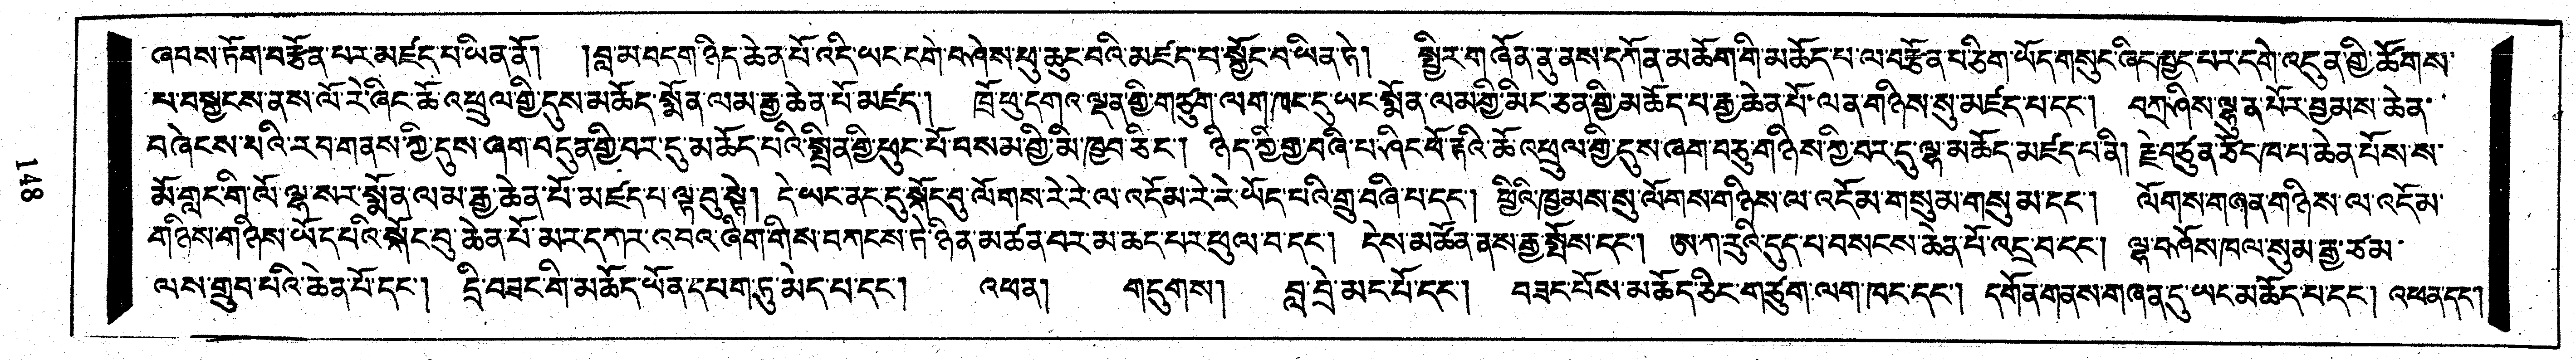ཞབས་ཏོག་བརྩོན་པར་མཛད་པ་ཡིན་ནོ། །བླ་མ་བདག་ཉིད་ཆེན་པོ་འདི་ཡང་དགེ་བཤེས་ཕུ་ཆུང་བའི་མཛད་པ་སྐྱོང་བ་ཡིན་ཏེ། སྤྱིར་གཞོན་ནུ་ནས་དཀོན་མཆོག་གི་མཆོད་པ་ལ་བརྩོན་པ་ཅིག་ཡོད་གསུང་ཞིང་ཁྱད་པར་དགེ་འདུན་གྱི་ཚོགས་
པ་བསྐྱངས་ནས་ལོ་རེ་ཞིང་ཆོ་འཕྲུལ་གྱི་དུས་མཆོད་སྨོན་ལམ་རྒྱ་ཆེན་པོ་མཛད། ཁྲོ་ཕུ་དགའ་ལྡན་གྱི་གཙུག་ལག་ཁང་དུ་ཡང་སྨོན་ལམ་གྱི་མིང་ཅན་གྱི་མཆོད་པ་རྒྱ་ཆེན་པོ་ལན་གཉིས་སུ་མཛད་པ་དང་། བཀྲ་ཤིས་ལྷུན་པོར་བྱམས་ཆེན་
བཞེངས་པའི་རབ་གནས་ཀྱི་དུས་ཞག་བདུན་གྱི་བར་དུ་མཆོད་པའི་སྤྲིན་གྱི་ཕུང་པོ་བསམ་གྱི་མི་ཁྱབ་ཅིང་། ཉིད་ཀྱི་གྱ་བཞི་པ་ཤིང་ཕོ་རྟའི་ཆོ་འཕྲུལ་གྱི་དུས་ཞག་བཅུ་གཉིས་ཀྱི་བར་དུ་ལྷ་མཆོད་མཛད་པ་ནི། རྗེ་བཙུན་ཙོང་ཁ་པ་ཆེན་པོས་ས་
མོ་གླང་གི་ལོ་ལྷ་སར་སྨོན་ལམ་རྒྱ་ཆེན་པོ་མཛད་པ་ལྟ་བུ་སྟེ། དེ་ཡང་ནང་དུ་སྐོང་བུ་ལོགས་རེ་རེ་ལ་འདོམ་རེ་རེ་ཡོད་པའི་གྲུ་བཞི་པ་དང་། ཕྱིའི་ཁྱམས་སུ་ལོགས་གཉིས་ལ་འདོམ་གསུམ་གསུམ་དང་། ལོགས་གཞན་གཉིས་ལ་འདོམ་
གཉིས་གཉིས་ཡོད་པའི་སྐོང་བུ་ཆེན་པོ་མར་དཀར་འབའ་ཞིག་གིས་བཀངས་ཏེ་ཉིན་མཚན་བར་མ་ཆད་པར་ཕུལ་བ་དང་། དེས་མཚོན་ནས་རྒྱ་སྤོས་དང་། ཨ་ཀ་རུའི་དུད་པ་བསངས་ཆེན་པོ་འདྲ་བ་དང་། ལྷ་བཤོས་ཁལ་སུམ་རྒྱ་ཙམ་
ལས་གྲུབ་པའི་ཆེན་པོ་དང་། དྲི་བཟང་གི་མཆོད་ཡོན་དཔག་ཏུ་མེད་པ་དང་། འཕན། གདུགས། བླ་བྲེ་མང་པོ་དང་། བཟང་པོས་མཆོད་ཅིང་གཙུག་ལག་ཁང་དང་། དགོན་གནས་གཞན་དུ་ཡང་མཆོད་པ་ནྣྡང་། འཕན་དང་།